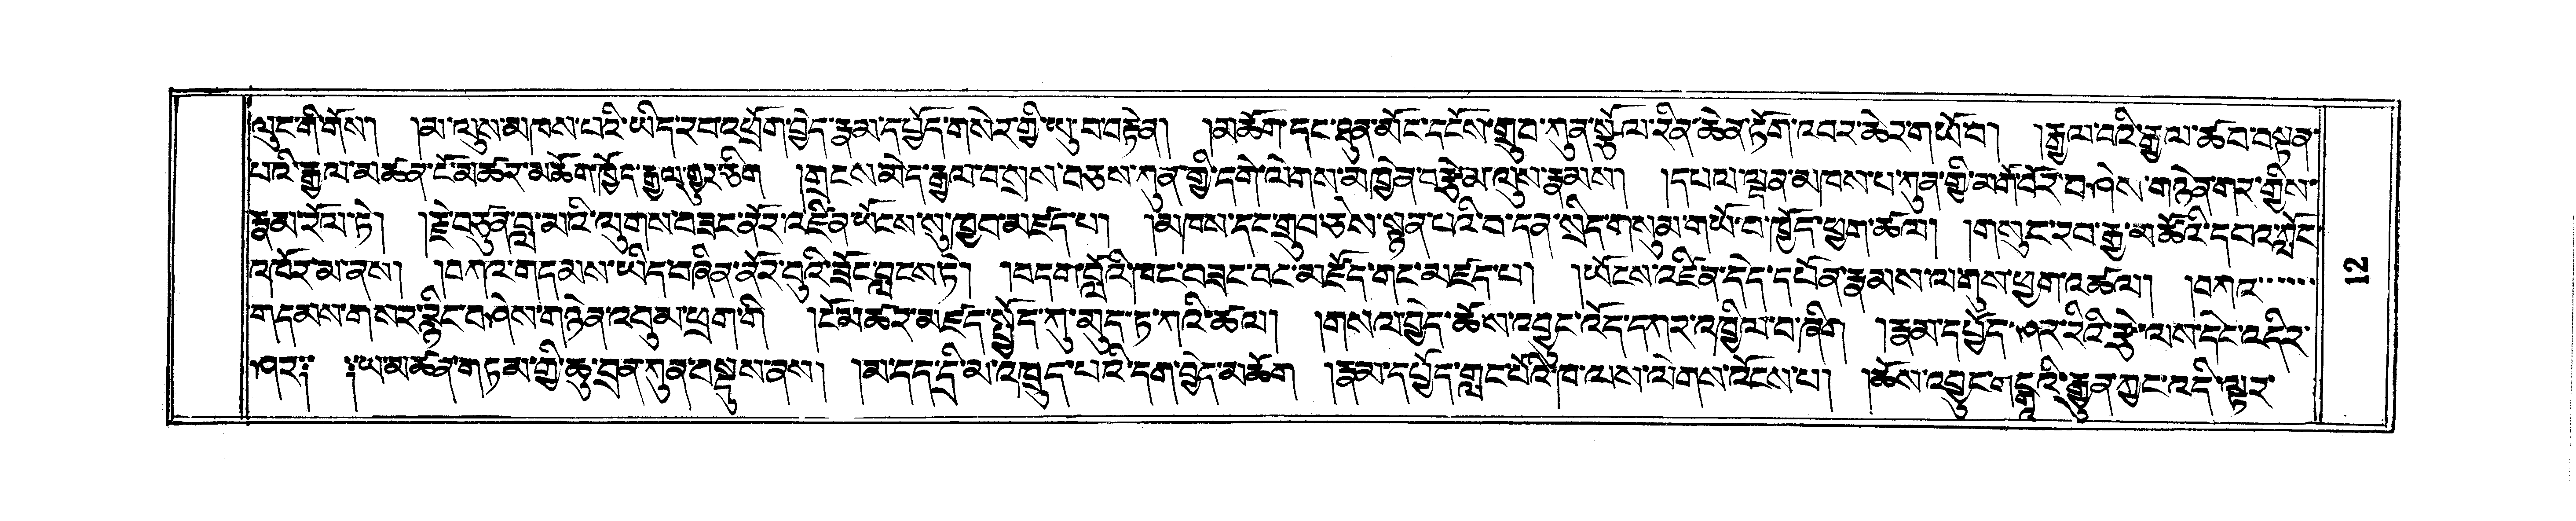ལུང་གི་གོས། །མ་ལུས་མཁས་པའི་ཡིད་རབ་འཕྲོག་བྱེད་རྣམ་དཔྱོད་གསེར་གྱི་ཡུ་བ་བརྟེན། །མཆོག་དང་ཐུན་མོང་དངོས་གྲུབ་ཀུན་སྩོལ་རིན་ཆེན་ཏོག་འབར་ཆེར་གཡོ་བ། །རྒྱལ་བའི་རྒྱལ་ཚབ་བསྟན་
པའི་རྒྱལ་མཚན་ངོ་མཚར་མཆོག་ཁྱོད་རྒྱལ་གྱུར་ཅིག །གྲངས་མེད་རྒྱལ་བ་སྲས་བཅས་ཀུན་གྱི་དགེ་ལེགས་མཁྱེན་བརྩེམ་ལུས་རྣམས། །དཔལ་ལྡན་མཁས་པ་ཀུན་གྱི་མགོ་བོར་བཤེས་གཉེན་གར་གྱིས་
རྣམ་རོལ་ཏེ། །རྗེ་བཙུན་བླ་མའི་ལུགས་བཟང་ནོར་འཛིན་ཡོངས་སུ་ཁྱབ་མཛད་པ། །མཁས་དང་གྲུབ་ཅེས་སྙན་པའི་བ་དན་སྲིད་གསུམ་གཡོ་བ་ཁྱོད་ཕྱག་ཚལ། །གསུང་རབ་རྒྱ་མཚོའི་དབའ་ཀློང་
འཁོར་མ་ནས། །བཀའ་གདམས་ཡིད་བཞིན་ནོར་བུའི་ཟོང་བླངས་ཏེ། །བདག་བློའི་ཁང་བཟང་བང་མཛོད་གང་མཛད་པ། །ཡོངས་འཛིན་དེད་དཔོན་རྣམས་ལ་གུས་ཕྱག་འཚལ། །བཀའ་
གདམས་གསར་རྙིང་བཤེས་གཉེན་འབུམ་ཕྲག་གི །ངོ་མཚར་མཛད་སྤྱོད་ཀུ་མུད་ཏ་ཀའི་ཚལ། །གསལ་བྱེད་ཆོས་འབྱུང་འོད་དཀར་འཁྱིལ་བ་ཞིག །རྣམ་དཔྱོད་ཤར་རིའི་རྩེ་ལས་དེང་འདིར་
ཤར༑ ༑ཡ་མཚན་གཏམ་གྱི་ཆུ་བྲན་ཀུན་བསྡུས་ནས། །མ་དད་དྲི་མ་འཁྲུད་པའི་དག་བྱེད་མཆོག །རྣམ་དཔྱོད་གླང་པོའི་ཁ་ལས་ལེགས་འོངས་པ། །ཆོས་འབྱུང་གངྒཱའི་རྒྱུན་ཀྱང་འདི་ལྟར་